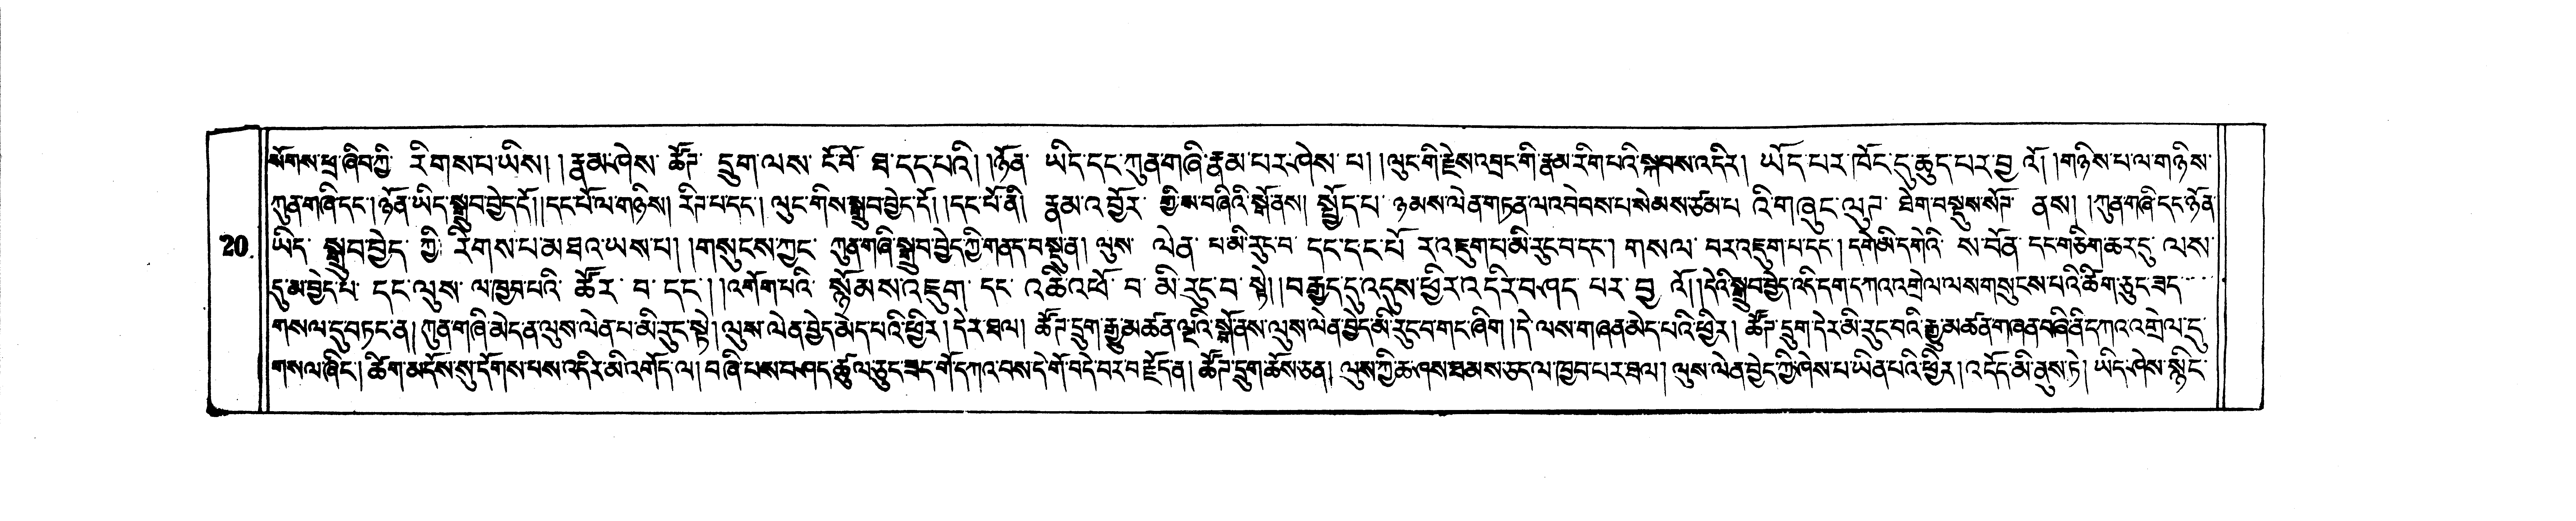སོགས་ཕྲ་ཞིབ་ཀྱི་རིགས་པ་ཡིས། །རྣམ་ཤེས་ཚོགས་དྲུག་ལས་ངོ་བོ་ཐ་དད་པའི། །ཉོན་ཡིད་དང་ཀུན་གཞི་རྣམ་པར་ཤེས་པ། །ལུང་གི་རྗེས་འབྲང་གི་རྣམ་རིག་པའི་སྐབས་འདིར། །ཡོད་པར་ཁོང་དུ་ཆུད་པར་བྱའོ། །གཉིས་པ་ལ་གཉིས་
ཀུན་གཞི་དང་། ཉོན་ཡིད་སྒྲུབ་བྱེད་དོ། །དང་པོ་ལ་གཉིས། རིགས་པ་དང་། ལུང་གིས་སྒྲུབ་བྱེད་དོ། །དང་པོ་ནི། རྣམ་འབྱོར་གྱི་ས་བཞིའི་སྒོ་ནས། སྤྱོད་པ་ཉམས་ལེན་གཏན་ལ་འབེབས་པ་སེམས་ཙམ་པའི་གཞུང་ལུགས་ཐེག་བསྡུས་སོགས་ནས། །ཀུན་གཞི་དང་ཉོན་
ཡིད་སྒྲུབ་བྱེད་ཀྱི་རིགས་པ་མཐའ་ཡས་པ། །གསུངས་ཀྱང་ཀུན་གཞི་སྒྲུབ་བྱེད་ཀྱི་གནད་བསྡུ་ན། ལུས་ལེན་པ་མི་རུང་བ་དང་དང་པོར་འཇུག་པ་མི་རུང་བ་དང་། གསལ་བར་འཇུག་པ་དང་། དགེ་མི་དགེའི་ས་བོན་དང་གཅིག་ཆར་དུ་ལས་
དུ་མ་བྱེད་པ་དང་ལུས་ལ་ཁྱབ་པའི་ཚོར་བ་དང་། །འགོག་པའི་སྙོམས་འཇུག་དང་འཆི་འཕོ་བ་མི་རུང་བ་སྟེ། །བརྒྱད་དུ་འདུས་ཕྱིར་འདིར་བཤད་པར་བྱའོ། །དེའི་སྒྲུབ་བྱེད་འདི་དག་དཀའ་འགྲེལ་ལས་གསུངས་པའི་ཚིག་ཅུང་ཟད་
གསལ་དུ་བཏང་ན། ཀུན་གཞི་མེད་ན་ལུས་ལེན་པ་མི་རུང་སྟེ། ལུས་ལེན་བྱེད་མེད་པའི་ཕྱིར། དེར་ཐལ། ཚོགས་དྲུག་རྒྱུ་མཚན་ལྔའི་སྒོ་ནས་ལུས་ལེན་བྱེད་མི་རུང་བ་གང་ཞིག །དེ་ལས་གཞན་མེད་པའི་ཕྱིར། ཚོགས་དྲུག་དེར་མི་རུང་བའི་རྒྱུ་མཚན་གཞན་བཞི་ནི་དཀའ་འགྲེལ་དུ་
གསལ་ཞིང་། ཚིག་མདོས་སུ་དོགས་པས་འདིར་མི་འགོད་ལ། བཞི་པས་བཤད་ཚུལ་ཅུང་ཟད་གོ་དཀའ་བས་དེ་གོ་བདེ་བར་བརྗོད་ན། ཚོགས་དྲུག་ཆོས་ཅན། ལུས་ཀྱི་ཆ་ཤས་ཐམས་ཅད་ལ་ཁྱབ་པར་ཐལ། ལུས་ལེན་བྱེད་ཀྱི་ཤེས་པ་ཡིན་པའི་ཕྱིར། འདོད་མི་ནུས་ཏེ། ཡིད་ཤེས་སྙིང་